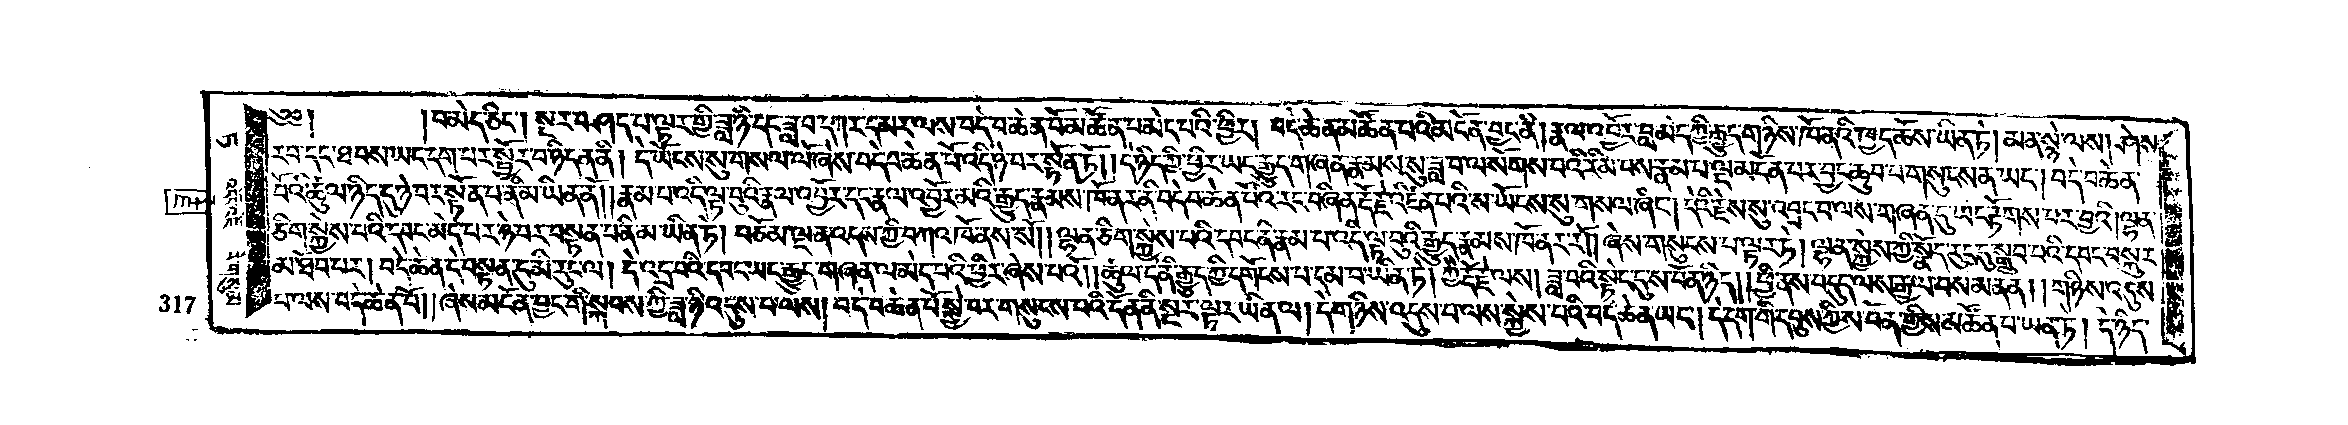༄༅། །བ་མེད་ཅིང་། སྔར་བཤད་པ་ལྟར་གྱི་ཟླ་ཉི་དང་ཟླ་བ་དཀར་དམར་ལས་བདེ་བ་ཆེན་པོ་མཚོན་པ་མེད་པའི་ཕྱིར། བདེ་ཆེན་མཚོན་པའི་མངོན་བྱང་ནི། རྣལ་འབྱོར་བླ་མེད་ཀྱི་རྒྱུད་གཉིས་ཁོ་ནའི་ཁྱད་ཆོས་ཡིན་ཏེ། མན་སྙེ་ལས། ཤེས་
རབ་དང་ཐབས་ཡང་དག་པར་སྦྱོར་བ་ཉིད་ན་ནི། དེ་ཡོངས་སུ་གསལ་ལོ་ཞེས་བདེ་བ་ཆེན་པོ་འདི་ཉེ་བར་སྟོན་ཏོ། །དེ་ཉིད་ཀྱི་ཕྱིར་ཡང་རྒྱུད་གཞན་རྣམས་སུ་ཟླ་བ་ལ་སོགས་པའི་རིམ་པས་རྣམ་པ་ལྔ་མངོན་པར་བྱང་ཆུབ་པ་གསུངས་ན་ཡང་། བདེ་བ་ཆེན་
པོའི་ཚུལ་ཉིད་དུ་ཉེ་བར་སྟོན་པ་ནི་མ་ཡིན་ནོ། །རྣམ་པ་འདི་ལྟ་བུའི་རྣལ་འབྱོར་དང་རྣལ་འབྱོར་མའི་རྒྱུད་རྣམས་ཁོ་ནར་ནི་བདེ་བ་ཆེན་པོའི་རང་བཞིན་རྡོ་རྗེ་འཛིན་པའི་ས་ཡོངས་སུ་གསལ་ཞིང་།དེའི་རྗེས་སུ་འབྲང་བ་ལས་གཞན་དུ་ཡང་རྟོགས་པར་བྱའི། ལྷན་
ཅིག་སྐྱེས་པའི་དབང་མེད་པར་ཉེ་བར་བསྟན་པ་ནི་མ་ཡིན་ཏེ། བཅོམ་ལྡན་འདས་ཀྱི་བཀའ་ཁོ་ནས་སོ། །ལྷན་ཅིག་སྐྱེས་པའི་དབང་ནི་རྣམ་པ་འདི་ལྟ་བུའི་རྒྱུད་རྣམས་ཁོ་ནར་རོ། །ཞེས་གསུངས་པ་ལྟར་ཏེ། ལྷན་སྐྱེས་ཀྱི་སྣོད་རུང་དུ་སྒྲུབ་པའི་དབང་བསྐུར་
མ་ཐོབ་པར། བདེ་ཆེན་དེ་བསྟན་དུ་མི་རུང་ལ། དེ་འདྲ་བའི་དབང་ཡང་རྒྱུད་གཞན་ལ་མེད་པའི་ཕྱིར་ཞེས་པའོ། །ཚུལ་དེ་ནི་རྒྱུད་ཀྱི་དགོངས་པ་དམ་པ་ཡིན་ཏེ། ཀྱཻ་རྡོ་རྗེ་ལས། ཟླ་བའི་སྟེང་དུ་ས་བོན་ཉིད། །ཕྱི་ནས་བདུད་ལས་རྒྱལ་བས་མནན། །གཉིས་འདུས་
པ་ལས་བདེ་ཆེན་པོ། །ཞེས་མངོན་བྱང་གི་སྐབས་ཀྱི་ཟླ་ཉི་འདུས་པ་ལས། བདེ་བ་ཆེན་པོ་སྐྱེ་བར་གསུངས་པའི་དོན་ནི་སྔར་ལྟར་ཡིན་ལ། དེ་གཉིས་འདུས་པ་ལས་སྐྱེས་པའི་བདེ་ཆེན་ཡང་། དེ་དག་གི་དབུས་ཀྱི་ས་བོན་གྱིས་མཚོན་པ་ཡིན་ཏེ། དེ་ཉིད་